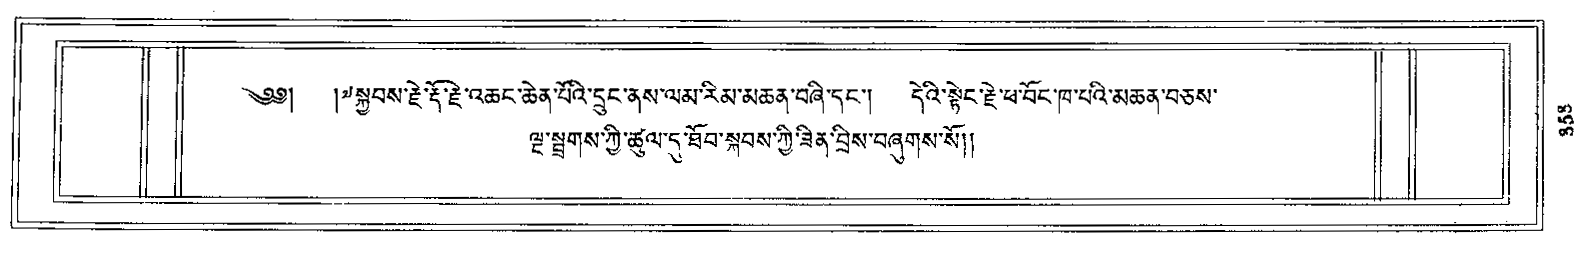༄༅། །༧་སྐྱབས་རྗེ་རྡོ་རྗེ་འཆང་ཆེན་པོའི་དྲུང་ནས་ལམ་རིམ་མཆན་བཞི་དང་། དེའི་སྟེང་རྗེ་ཕ་བོང་ཁ་པའི་མཆན་བཅས་
ལྔ་སྦྲགས་ཀྱི་ཚུལ་དུ་ཐོབ་སྐབས་ཀྱི་ཟིན་བྲིས་བཞུགས་སོ།།